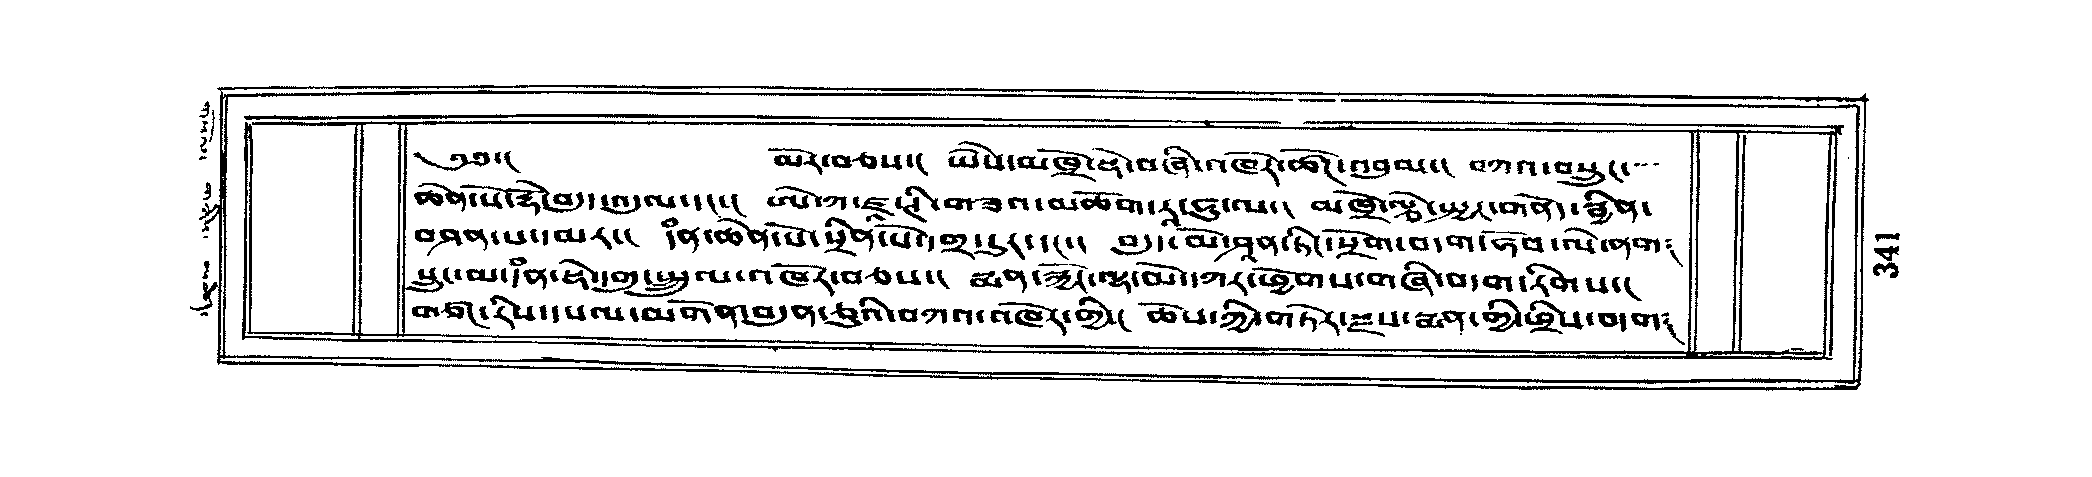མོར་བཅས། །ཡེ་ཤེས་མཁའ་འགྲོ་སྡེ་བཞི་འཁོར་ཚོགས་འབུམ། །བཀའ་བསྲུང་
ཆེན་པོ་རྡོ་རྗེ་འདུད་འདུལ་དང་། །ཨེ་ཀ་ཛཱ་ཊི་གཟའ་མཆོག་རཱ་ཧུ་ལ། །མཁའ་འགྲོ་ལྕེ་སྤྱང་གནོད་སྦྱིན་
བཤན་པ་དམར། །དམ་ཅན་ཆེན་པོ་སྲིན་པོ་དགྲ་དུར་དང་། །བདུད་མོ་ཤཱན་ཏི་སྲོག་བདག་ཧོབ་ལེ་ནག་།
སྲུང་མ་དམ་ཅན་རྒྱ་མཚོ་སྤྲུལ་འཁོར་བཅས། །སྨན་སྐྱོང་ལྷ་མོ་དཀར་ཕྱོགས་གཞི་བདག་རིགས། །
གཙང་རིས་དཔལ་མགོན་བདུན་ཅུའི་བཀའ་འཁོར་གྱི། །ཆོས་ཀྱི་གཏེར་རྫས་་སྨན་གྱི་ཕྲིན་ལས་བདག་།